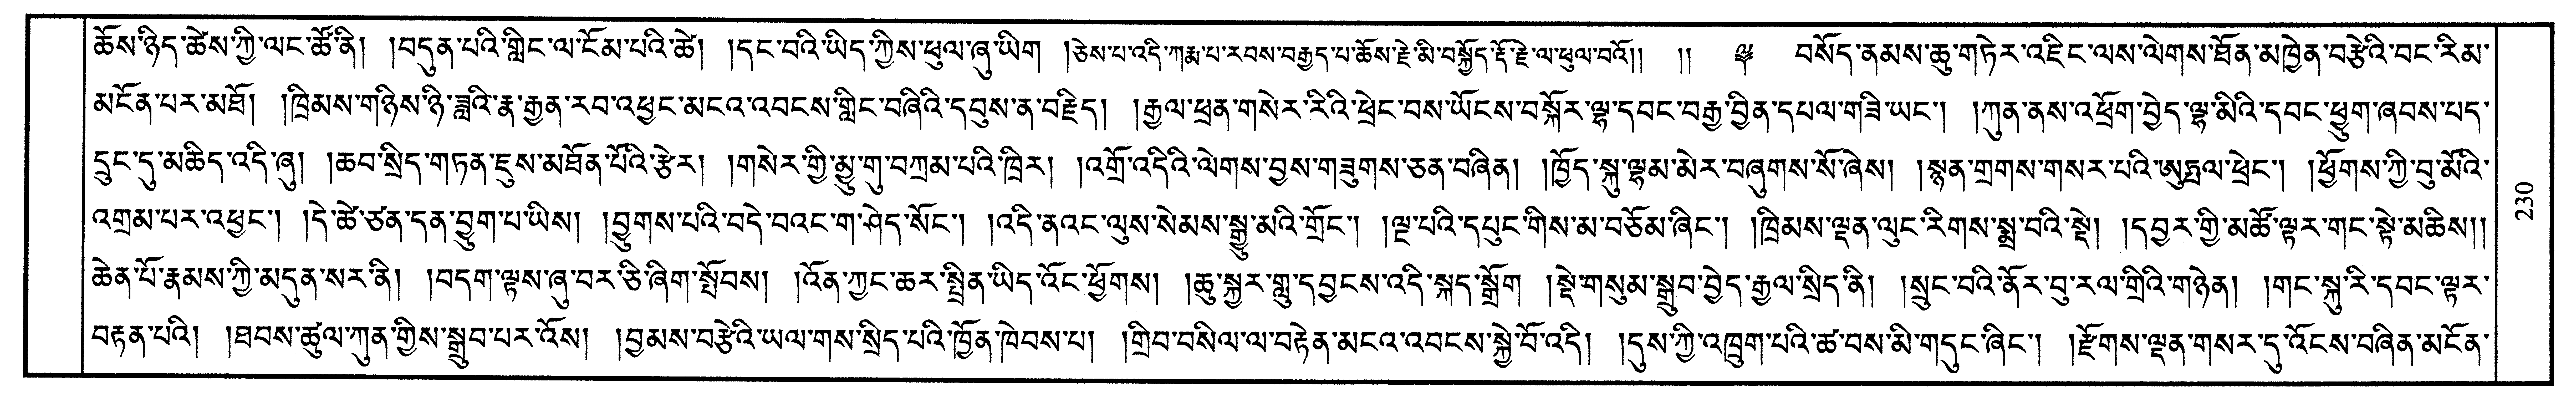ཆོས་ཉིད་ཚེས་ཀྱི་ལང་ཚོ་ནི། །བདུན་པའི་གླིང་ལ་ངོམ་པའི་ཚེ། །དང་བའི་ཡིད་ཀྱིས་ཕུལ་ཞུ་ཡིག །ཅེས་པ་འདི་ཀརྨ་པ་རབས་བརྒྱད་པ་ཆོས་རྗེ་མི་བསྐྱོད་རྡོ་རྗེ་ལ་ཕུལ་བའོ།། །། ༈ བསོད་ནམས་ཆུ་གཏེར་འཇིང་ལས་ལེགས་ཐོན་མཁྱེན་བརྩེའི་བང་རིམ་
མངོན་པར་མཐོ། །ཁྲིམས་གཉིས་ཉི་ཟླའི་རྣ་རྒྱན་རབ་འཕྱང་མངའ་འབངས་གླིང་བཞིའི་དབུས་ན་བརྗིད། །རྒྱལ་ཕྲན་གསེར་རིའི་ཕྲེང་བས་ཡོངས་བསྐོར་ལྷ་དབང་བརྒྱ་བྱིན་དཔལ་གཟི་ཡང་། །ཀུན་ནས་འཕྲོག་བྱེད་ལྷ་མིའི་དབང་ཕྱུག་ཞབས་པད་
དྲུང་དུ་མཆིད་འདི་ཞུ། །ཆབ་སྲིད་གཏན་ཇུས་མཐོན་པོའི་རྩེར། །གསེར་གྱི་མྱུ་གུ་བཀྲམ་པའི་ཁྲིར། །འགྲོ་འདིའི་ལེགས་བྱས་གཟུགས་ཅན་བཞིན། །ཁྱོད་སྐུ་ལྷམ་མེར་བཞུགས་སོ་ཞེས། །སྙན་གྲགས་གསར་པའི་ཨུཏྤལ་ཕྲེང་། །ཕྱོགས་ཀྱི་བུ་མོའི་
འགྲམ་པར་འཕྱང་། །དེ་ཚེ་ཙན་དན་བྱུག་པ་ཡིས། །བྱུགས་པའི་བདེ་བའང་ག་ཤེད་སོང་། །འདི་ནའང་ལུས་སེམས་སྒྱུ་མའི་གྲོང་། །ལྔ་པའི་དཔུང་གིས་མ་བཅོམ་ཞིང་། །ཁྲིམས་ལྡན་ལུང་རིགས་སྨྲ་བའི་སྡེ། །དབྱར་གྱི་མཚོ་ལྟར་གང་སྟེ་མཆིས།།
ཆེན་པོ་རྣམས་ཀྱི་མདུན་སར་ནི། །བདག་ལྟས་ཞུ་བར་ཅི་ཞིག་སྤོབས། །འོན་ཀྱང་ཆར་སྤྲིན་ཡིད་འོང་ཕྱོགས། །ཆུ་སྐྱར་གླུ་དབྱངས་འདི་སྐད་སྒྲོག །སྡེ་གསུམ་སྒྲུབ་བྱེད་རྒྱལ་སྲིད་ནི། །སྲུང་བའི་ནོར་བུ་རལ་གྲིའི་གཉེན། །གང་སྐུ་རི་དབང་ལྟར་
བརྟན་པའི། །ཐབས་ཚུལ་ཀུན་གྱིས་སྒྲུབ་པར་འོས། །བྱམས་བརྩེའི་ཡལ་གས་སྲིད་པའི་ཁྱོན་ཁེབས་པ། །གྲིབ་བསིལ་ལ་བརྟེན་མངའ་འབངས་སྐྱེ་བོ་འདི། །དུས་ཀྱི་འཁྲུག་པའི་ཚ་བས་མི་གདུང་ཞིང་། །རྫོགས་ལྡན་གསར་དུ་འོངས་བཞིན་མངོན་